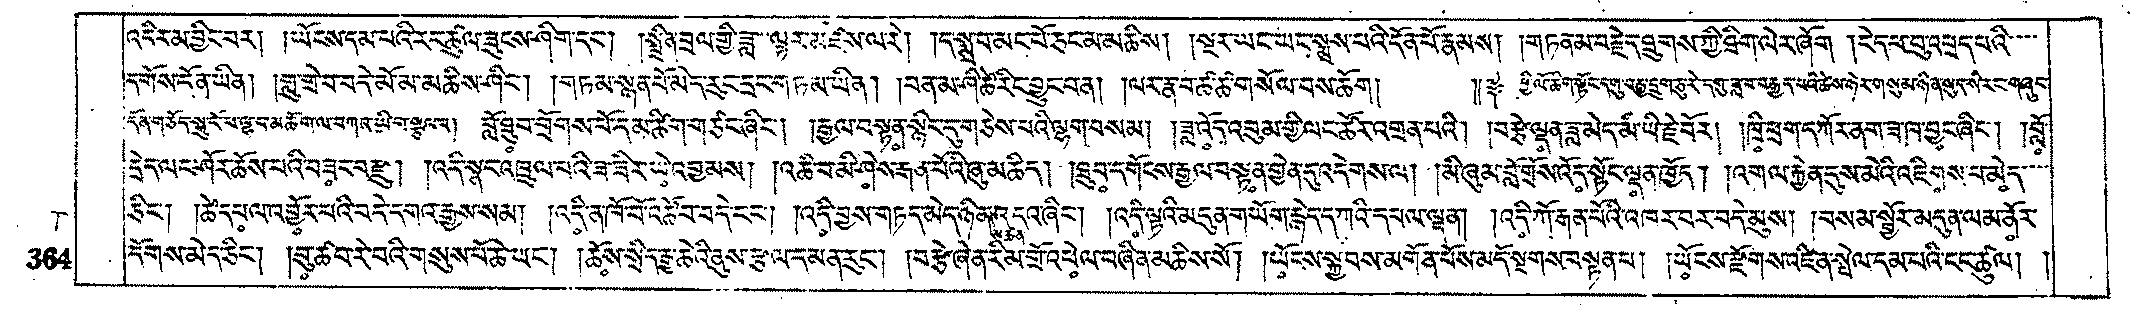འདིར་མ་བྱིང་བར། །ཡོངས་དམ་པའི་རང་ཚུལ་ཟུངས་ཤིག་དང་། སྤྲིན་བྲལ་གྱི་ཟླ་ལྟར་མཛེས་ལ་རེ། །ད་སྨྲ་བ་མང་པོ་ཅང་མ་མཆིས། །སྔར་ཡང་ཡང་སྨྲས་པའི་དོན་པོ་རྣམས། །གཏན་མ་བརྗེད་ཐུགས་ཀྱི་ཐིག་ལེར་ཞོག །ངེད་ཕ་བུ་འཕྲད་པའི་་་
དགོས་དོན་ཡིན། །གླུ་གྲེ་བ་བདེ་མོ་མ་མཆིས་ཤིང་། །གཏམ་སྙན་པོ་མེད་རུང་དྲང་གཏམ་ཡིན། །བན་མ་ཤི་ཚེ་རིང་བྱུང་བ་ན། །ལར་རྣ་བ་ཚ་ཚ་གསོལ་བས་ཆོག ། །། འ་ཕྱི་ལོ་ཆོག་སྟོང་དགུ་བརྒྱ་དྲུག་ཅུ་རེ་དགུ་ཟླ་བ་བརྒྱད་པའི་ཚེས་ཉེར་གསུམ་ཉིན་སུད་སི་རང་གཞུང་
དོན་གཅོད་སྐུ་ངོ་ཕ་ལྷ་བ་མཆོག་ལ་བཀའ་ཡིག་སྩལ་བ། བློ་ཐུབ྾་གྲོགས་པོ་དམ་ཚིག་གཙང་ཞིང་། །རྒྱལ་བསྟན྾་སྙིང་དུ་གཅེས་པའི་ལྷག་བསམ། །ཟླ་འོད྾་འབུམ་གྱི་ལང་ཚོར་འགྲན་པའི། །བརྩེ་ལྡན྾་ཟླ་མེད་མི་ཡི་རྗེ་བོར། །ཁྲི྾་ཕྲག་དཀོར་ནག་ཟ་ཁ་བྱང྾་ཞིང་། །བློ྾་
དྲེད་ལང་ཤོར་ཆོས་པའི་བཟང྾་བརྫུ། །འདི་སྣང་འཁྲུལ་པའི་ཟ་ཟིར་ཡེ྾་འབྱམས། །འཆི་བ་མི་ཤེས྾་རྒན་པོའི་ཞུ་མཆིད། །ཐུབ྾་དགོངས་རྒྱལ་བསྟན་གྱེན་དུ་འདེགས་ལ། །མི་ཞུམ་བློ་གྲོས་འོད྾་སྟོང་ལྡན྾་ཁྱོད། །འགལ་རྐྱེན་དུས་མིའི་འཇིགས྾་པ་མེད་་་
ཅིང་། །ཚེ་དཔལ྾་འབྱོར྾་པའི་བདེ་དགའ་རྒྱས་སམ། །འདི྾་ན་ཁོ་བོ་འཚོ་བ་བདེ་དང་། །འདི྾་བྱས་གཏད་མེད་ཉིན་མཚན་འདའ་ཞིང་། །འདི྾་ལྟའི་མདུན་གཡོག་རྙེད་དཀའི་དཔལ་ལྡན། །འདི྾་ཀོ་རྒན་པོའི་འཁར་བར་བདེ་མུས། །བསམ་སྦྱོར་མདུན་ལམ་ནོར྾་
དོགས་མེད་ཅིང་། །བུ྾་ཚབ་རེ་བའི་གསུས་པོ་ཆེ་ཡང་། །ཆོས྾་སྲིད་རྒྱ་ཆེའི་ནུས་རྩལ་དམན་རུང་། །བརྩེ་ཞེན་རིམ་གྲོ་འཕེལ྾་བཞིན་མཆིས་སོ། །ཡོངས྾་སྐྱབས་མགོན་པོས་མདོ་སྔགས་བསྟན་པ། །ཡོངས྾་རྫོགས་འཛིན་སྤེལ་དམ་པའི་ངང་ཚུལ། །